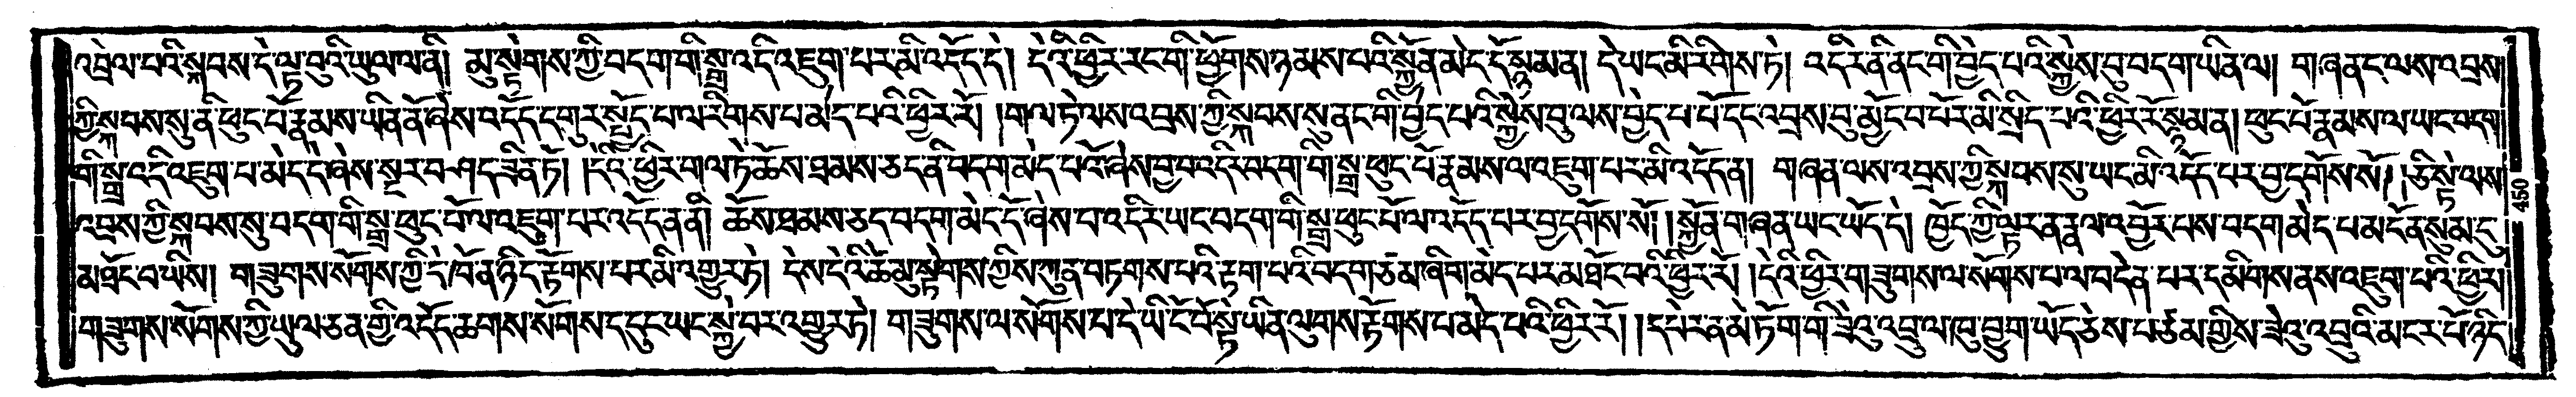འབྲེལ་བའི་སྐབས་དེ་ལྟ་བུའི་ཡུལ་ལ་ནི། མུ་སྟེགས་ཀྱི་བདག་གི་སྒྲ་འདི་འཇུག་པར་མི་འདོད་དེ། དེའི་ཕྱིར་རང་གི་ཕྱོགས་ཉམས་པའི་སྐྱོན་མེད་དོ་སྙམ་ན། དེ་ཡང་མི་རིགས་ཏེ། འདིར་ནི་ནང་གི་བྱེད་པའི་སྐྱེས་བུ་བདག་ཡིན་ལ། གཞན་དུ་ལས་འབྲས་
ཀྱི་སྐབས་སུ་ནི་ཕུང་པོ་རྣམས་ཡིན་ནོ་ཞེས་འདོད་དགུར་སྤྱོད་པ་ལ་རིགས་པ་མེད་པའི་ཕྱིར་རོ། །གལ་ཏེ་ལས་འབྲས་ཀྱི་སྐབས་སུ་ནང་གི་བྱེད་པའི་སྐྱེས་བུ་ལས་བྱེད་པ་པོ་དང་འབྲས་བུ་མྱོང་བ་པོར་མི་སྲིད་པའི་ཕྱིར་རོ་སྙམ་ན། ཕུང་པོ་རྣམས་ལ་ཡང་བདག་
གི་སྒྲ་འདི་འཇུག་པ་མེད་དེ་ཞེས་སྔར་བཤད་ཟིན་ཏོ། །དེའི་ཕྱིར་གལ་ཏེ་ཆོས་ཐམས་ཅད་ནི་བདག་མེད་པའོ་ཞེས་བྱ་བ་འདིར་བདག་གི་སྒྲ་ཕུང་པོ་རྣམས་ལ་འཇུག་པར་མི་འདོད་ན། གཞན་ལས་འབྲས་ཀྱི་སྐབས་སུ་ཡང་མི་འདོད་པར་བྱ་དགོས་སོ། །ཅི་སྟེ་ལས་
འབྲས་ཀྱི་སྐབས་སུ་བདག་གི་སྒྲ་ཕུང་པོ་ལ་འཇུག་པར་འདོད་ན་ནི། ཆོས་ཐམས་ཅད་བདག་མེད་དོ་ཞེས་པ་འདིར་ཡང་བདག་གི་སྒྲ་ཕུང་པོ་ལ་འདོད་པར་བྱ་དགོས་སོ། །སྐྱོན་གཞན་ཡང་ཡོད་དེ། ཁྱོད་ཀྱི་ལྟར་ན་རྣལ་འབྱོར་པས་བདག་མེད་པ་མངོན་སུམ་དུ་
མཐོང་བ་ཡིས། གཟུགས་སོགས་ཀྱི་དེ་ཁོ་ན་ཉིད་རྟོགས་པར་མི་འགྱུར་ཏེ། དེས་དེའི་ཚེ་མུ་སྟེགས་ཀྱིས་ཀུན་བཏགས་པའི་རྟག་པའི་བདག་ཙམ་ཞིག་མེད་པར་མཐོང་བའི་ཕྱིར་རོ། །དེའི་ཕྱིར་གཟུགས་ལ་སོགས་པ་ལ་བདེན་པར་དམིགས་ནས་འཇུག་པའི་ཕྱིར།
གཟུགས་སོགས་ཀྱི་ཡུལ་ཅན་གྱི་འདོད་ཆགས་སོགས་ད་དུང་ཡང་སྐྱེ་བར་འགྱུར་ཏེ། གཟུགས་ལ་སོགས་པ་དེ་ཡི་ངོ་བོ་སྟེ་ཡིན་ལུགས་རྟོགས་པ་མེད་པའི་ཕྱིར་རོ། །དཔེར་ན་མེ་ཏོག་གི་ཟེའུ་འབྲུལ་ཁུ་བྱུག་ཡོད་ཅེས་པ་ཙམ་གྱིས་ཟེའུ་འབྲུའི་མངར་པོ་ཉིད་